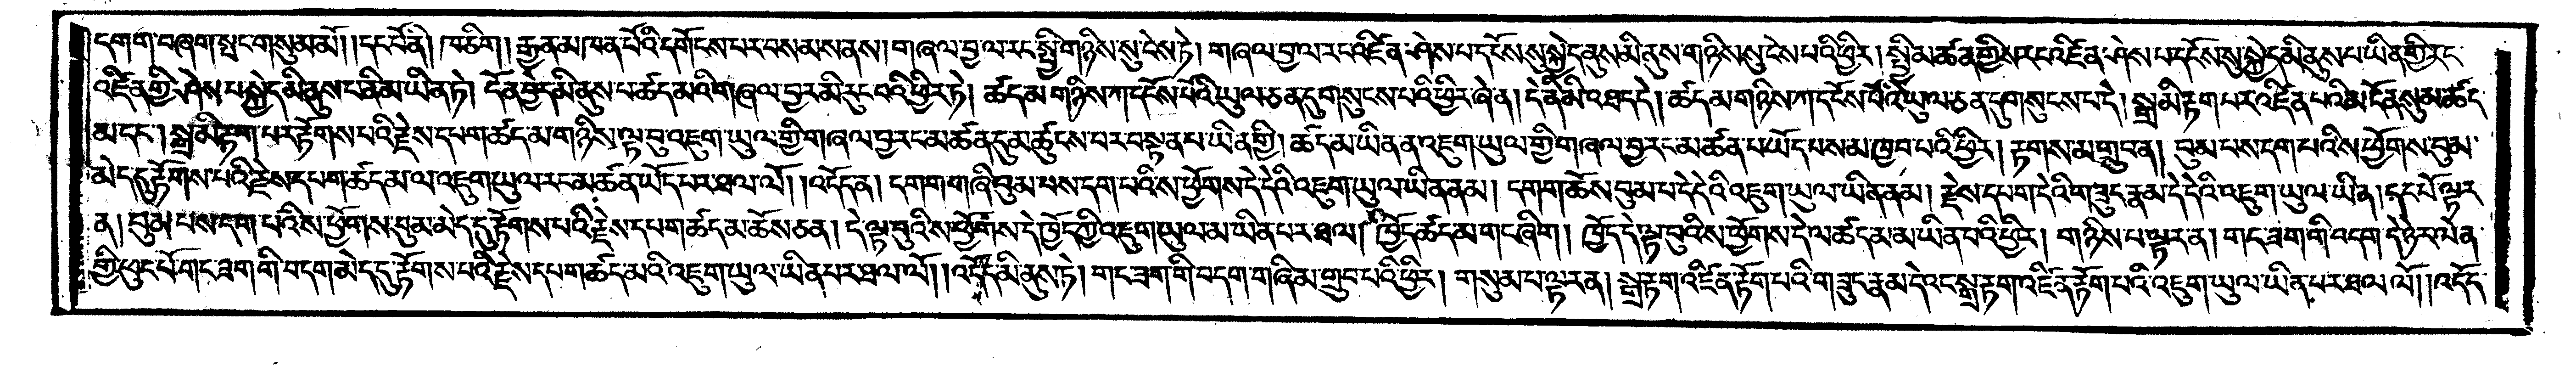དགག་བཞག་སྤང་གསུམ་མོ། །དང་པོ་ནི། ཁ་ཅིག །རྒྱན་མཁན་པོའི་དགོངས་པ་བསམས་ནས། གཞལ་བྱ་ལ་རང་སྤྱི་གཉིས་སུ་ངེས་ཏེ། གཞལ་བྱ་ལ་རང་འཛིན་ཤེས་པ་དངོས་སུ་སྐྱེད་ནུས་མི་ནུས་གཉིས་སུ་ངེས་པའི་ཕྱིར། སྤྱི་མཚན་གྱིས་རང་འཛིན་ཤེས་པ་དངོས་སུ་སྐྱེད་མི་ནུས་པ་ཡིན་གྱི་རང་
འཛིན་གྱི་ཤེས་པ་སྐྱེད་མི་ནུས་པ་ཡིན་ཏེ། དོན་བྱེད་མི་ནུས་པ་ཚད་མའི་གཞལ་བྱར་མི་རུང་བའི་ཕྱིར་ཏེ། ཚད་མ་གཉིས་ཀ་དངོས་པོའི་ཡུལ་ཅན་དུ་གསུངས་པའི་ཕྱིར་ཞེ་ན། དེ་ནི་མི་འཐད་དེ། ཚད་མ་གཉིས་ཀ་དངོས་པོའི་ཡུལ་ཅན་དུ་གསུངས་པ་དེ། སྒྲ་མི་རྟག་པར་འཛིན་པའི་མངོན་སུམ་ཚད་
མ་དང་། སྒྲ་མི་རྟག་པར་རྟོགས་པའི་རྗེས་དཔག་ཚད་མ་གཉིས་ལྟ་བུ་འཇུག་ཡུལ་གྱི་གཞལ་བྱ་རང་མཚན་དུ་མཚུངས་པར་བསྟན་པ་ཡིན་གྱི། ཚད་མ་ཡིན་ན་འཇུག་ཡུལ་གྱི་གཞལ་བྱ་རང་མཚན་པ་ཡོད་པས་མ་ཁྱབ་པའི་ཕྱིར། རྟགས་མ་གྲུབ་ན། བུམ་པས་དག་པའི་ས་ཕྱོགས་བུམ་
མེད་དུ་རྟོགས་པའི་རྗེས་དཔག་ཚད་མ་ལ་འཇུག་ཡུལ་རང་མཚན་ཡོད་པར་ཐལ་ལོ། །འདོད་ན། དགག་གཞི་བུམ་པས་དག་པའི་ས་ཕྱོགས་དེ་དེའི་འཇུག་ཡུལ་ཡིན་ནམ། དགག་ཆོས་བུམ་པ་དེ་དེའི་འཇུག་ཡུལ་ཡིན་ནམ། རྗེས་དཔག་དེའི་གཟུང་རྣམ་དེ་དེའི་འཇུག་ཡུལ་ཡིན། དང་པོ་ལྟར་
ན། བུམ་པས་དག་པའི་ས་ཕྱོགས་བུམ་མེད་དུ་རྟོགས་པའི་རྗེས་དཔག་ཚད་མ་ཆོས་ཅན། དེ་ལྟ་བུའི་ས་ཕྱོགས་དེ་ཁྱོད་ཀྱི་འཇུག་ཡུལ་མ་ཡིན་པར་ཐལ། ཁྱོད་ཚད་མ་གང་ཞིག །ཁྱོད་དེ་ལྟ་བུའི་ས་ཕྱོགས་དེ་ལ་ཚད་མ་མ་ཡིན་པའི་ཕྱིར། གཉིས་པ་ལྟར་ན། གང་ཟག་གི་བདག་དེ་ཉེར་ལན་
གྱི་ཕུང་པོ་གང་ཟག་གི་བདག་མེད་དུ་རྟོགས་པའི་རྗེས་དཔག་ཚད་མའི་འཇུག་ཡུལ་ཡིན་པར་ཐལ་ལོ། །འདོད་མི་ནུས་ཏེ། གང་ཟག་གི་བདག་གཞི་མ་གྲུབ་པའི་ཕྱིར། གསུམ་པ་ལྟར་ན། སྒྲ་རྟག་འཛིན་རྟོག་པའི་གཟུང་རྣམ་དེའང་སྒྲ་རྟག་འཛིན་རྟོག་པའི་འཇུག་ཡུལ་ཡིན་པར་ཐལ་ལོ། །འདོད་